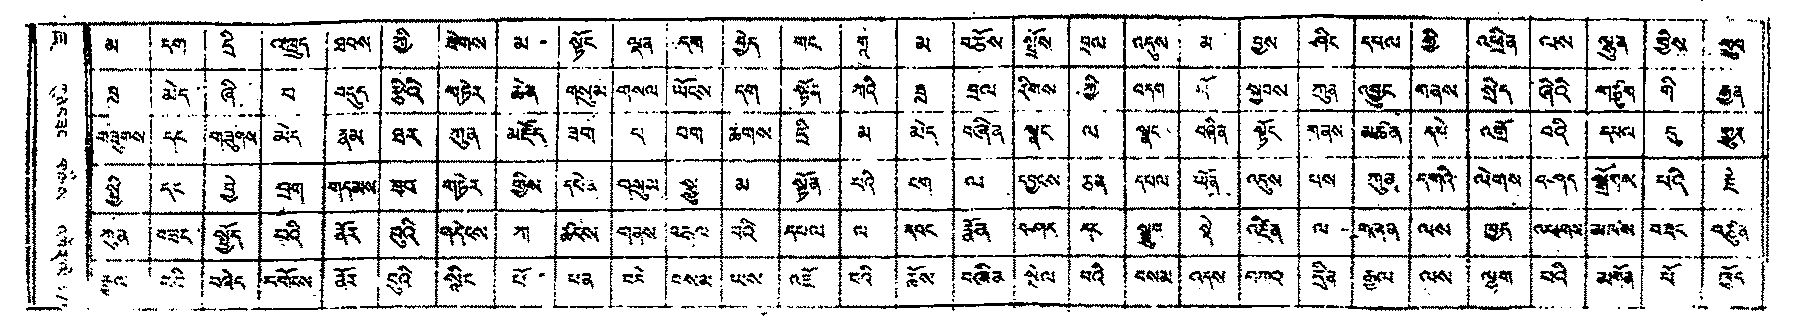༄༅། །མ་དག་དྲི་འཁྲུད་ཐབས་ཀྱི་ཟེགས་མ་སྟོང་ལྡན་དག་བྱེད་གང་གཱ་མ་བཅོས་སྤྲོས་བྲལ་འདུས་མ་བྱས་ཤིང་དཔལ་གྱི་འཕྲིན་ལས་ལྷུན་གྱིས་གྲུབ་
བླ་མེད་ཞི་བ་བདུད་རྩིའི་གཏེར་ཆེན་གསུམ་གསལ་ཡོངས་དག་སྟོན་ཀའི་ཟླ་བྲལ་རིགས་ཀྱི་བདག་པོ་སྐྱབས་ཀུན་འབྱུང་གནས་སྲིད་ཞིའི་གཙུག་གི་རྒྱན་
གཟུགས་དང་གཟུགས་མེད་རྣམ་ཐར་ཀུན་མཛོད་ཟག་པ་བག་ཆགས་དྲི་མ་མེད་བཞིན་སྣང་ལ་སྣང་བཞིན་སྟོང་གནས་མཚན་དཔེ་འགྲོ་བའི་དཔལ་དུ་གྱུར་
སྤྱི་དང་བྱེ་བྲག་གདམས་ཟབ་གཏེར་གྱིས་དབེན་གསུམ་སྒྱུ་མ་སྟོན་པའི་ངག་ལ་དབྱངས་ཅན་དཔལ་ཡོན་འདུས་པས་ཀུན་དགའི་ལེགས་བཤད་སྒྲོགས་པའི་རྗེ་
ཀུན་བཟང་སྤྱོད་པའི་ནོར་བུའི་གདེངས་ཀ་ཚངས་གནས་བརྒལ་བའི་དཔལ་ལ་དབང་རྣོན་བཤད་དང་སྒྲུབ་སྡེ་འཛིན་ལ་གཞན་ལས་ཁྱད་འཕགས་མཁས་བཟང་བཙུན་
རྒྱལ་བའི་བཞེད་དགོངས་ནོར་བུའི་སྙིང་པོ་ཕན་བདེ་བསམ་ཡས་འཇོ་བའི་ཆོས་བཞིན་སྤེལ་བའི་བསམ་འདས་བཀའ་དྲིན་རྒྱལ་ལས་ལྷག་པའི་མགོན་པོ་ཁྱོད་